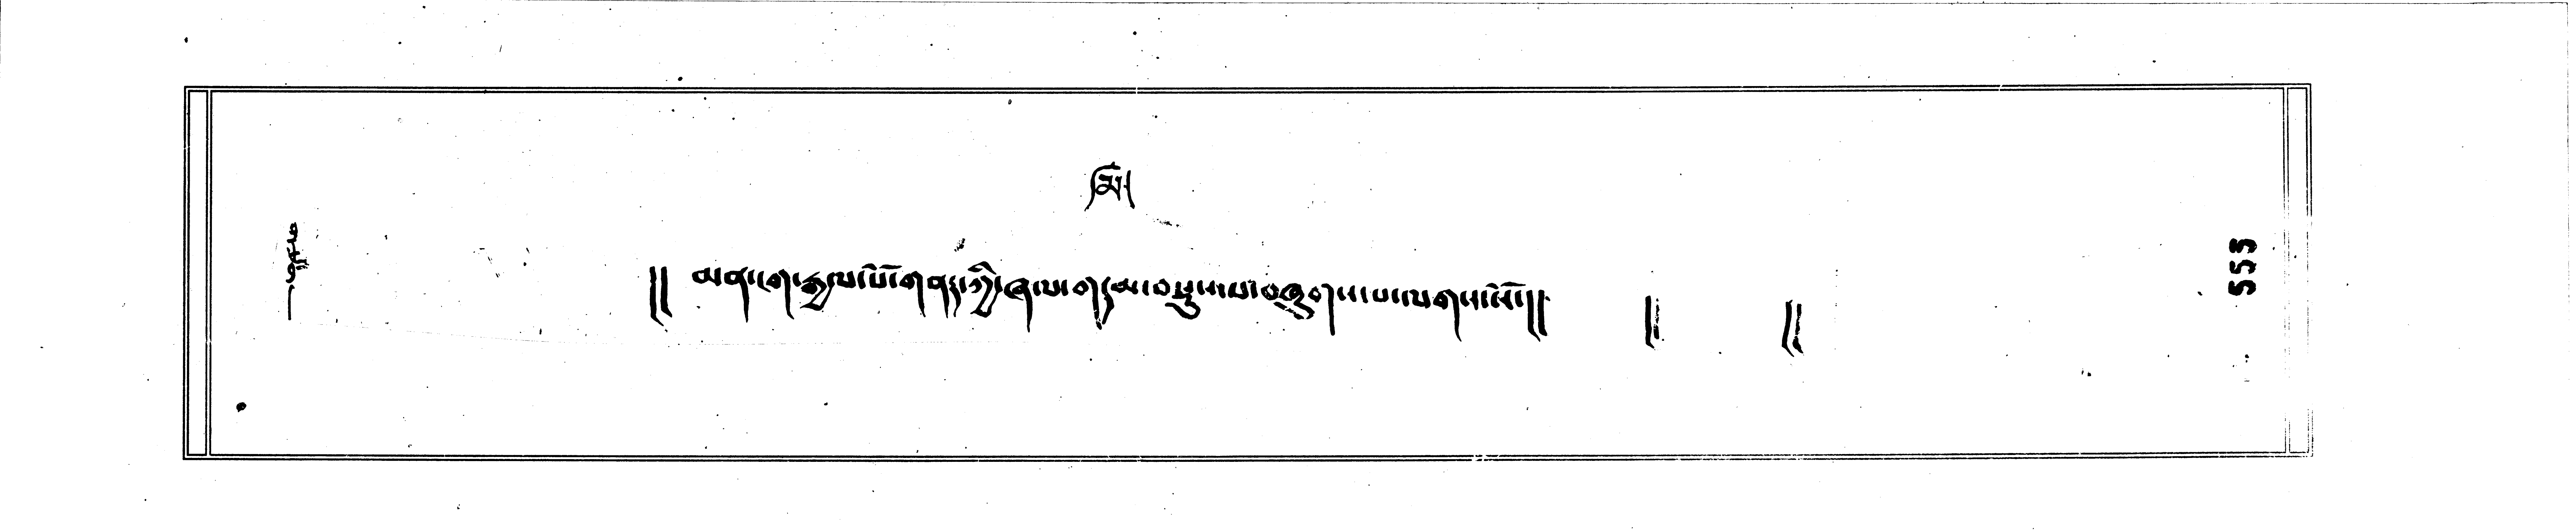༼མ༽།།མན་ངག་རྒྱལ་པོ་གནད་ཀྱི་ཞལ་གདམ་བསྡུས་པ་བཞུགས་པ་ལགས་སོ།།